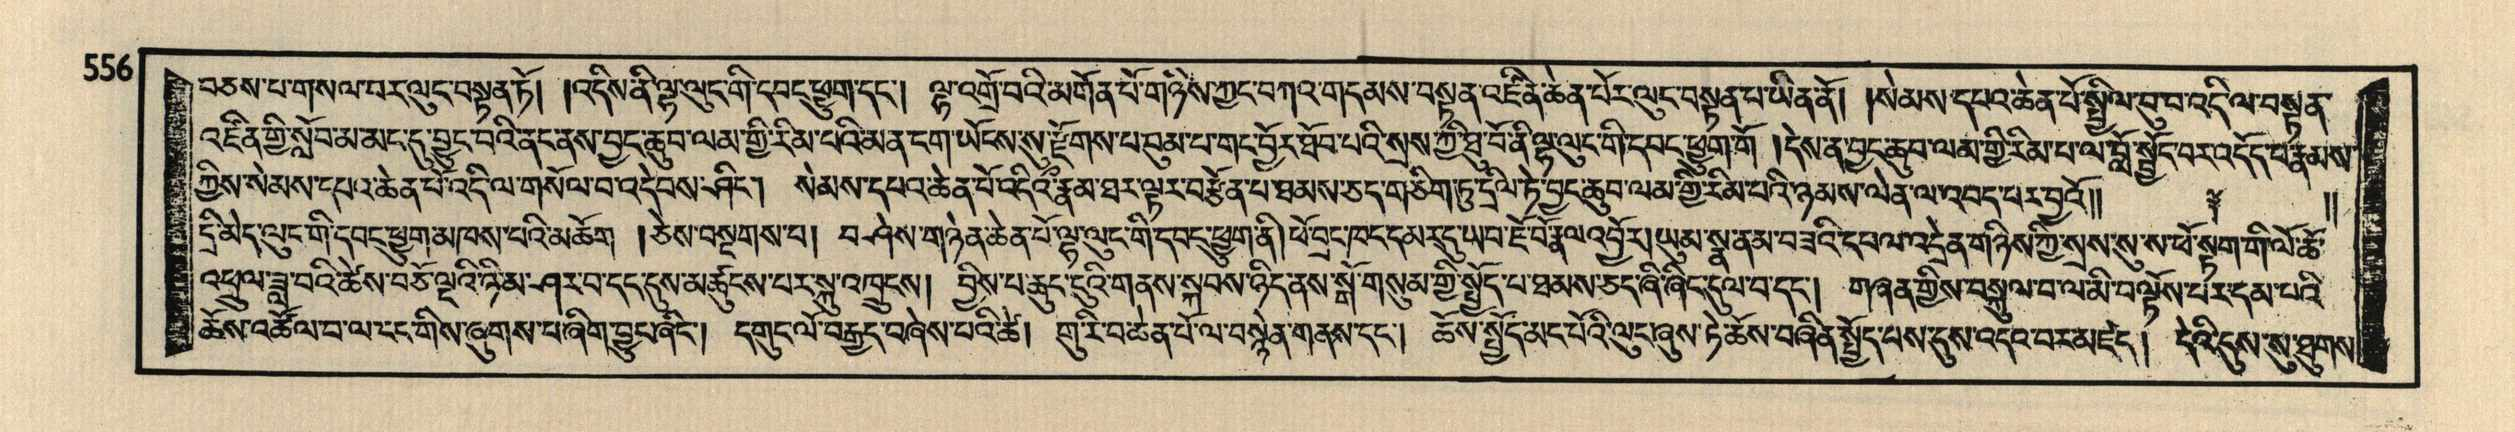བཅས་པ་གསལ་བར་ལུང་བསྟན་ཏོ། །འདིས་ནི་ལྷ་ལུང་གི་དབང་ཕྱུག་དང་། ལྷ་འགྲོ་བའི་མགོན་པོ་གཉིས་ཀྱང་བཀའ་གདམས་བསྟན་འཛིན་ཆེན་པོར་ལུང་བསྟན་པ་ཡིན་ནོ། །སེམས་དཔའ་ཆེན་པོ་སྤྱིལ་བུ་བ་འདི་ལ་བསྟན་
འཛིན་གྱི་སློབ་མ་མང་དུ་བྱུང་བའི་ནང་ནས་བྱང་ཆུབ་ལམ་གྱི་རིམ་པའི་མན་ངག་ཡོངས་སུ་རྫོགས་པ་བུམ་པ་གང་བྱོར་ཐོབ་པའི་སྲས་ཀྱི་ཐུ་བོ་ནི་ལྷ་ལུང་གི་དབང་ཕྱུག་གོ །དེས་ན་བྱང་ཆུབ་ལམ་གྱི་རིམ་པ་ལ་བློ་སྦྱོང་བར་འདོད་པ་རྣམས་
ཀྱིས་སེམས་དཔའ་ཆེན་པོ་འདི་ལ་གསོལ་བ་འདེབས་ཤིང་། སེམས་དཔའ་ཆེན་པོ་འདིའི་རྣམ་ཐར་ལྟར་བརྩོན་པ་ཐམས་ཅད་གཅིག་ཏུ་དྲིལ་ཏེ་བྱང་ཆུབ་ལམ་གྱི་རིམ་པའི་ཉམས་ལེན་ལ་འབད་པར་བྱའོ།། ༈ །།
དྲི་མེད་ལུང་གི་དབང་ཕྱུག་མཁས་པའི་མཆོག །ཅེས་བསྔགས་བ། བཤེས་གཉེན་ཆེན་པོ་ལྷ་ལུང་གི་དབང་ཕྱུག་ནི། ཕོ་བྲང་ཁང་དམར་དུ་ཡབ་ཇོ་བོ་རྣལ་འབྱོར། ཡུམ་སྣ་ནམ་བཟའི་དཔལ་འདྲེན་གཉིས་ཀྱི་སྲས་སུ་ས་ཕོ་སྟག་གི་ལོ་ཆོ་
འཕྲུལ་ཟླ་བའི་ཚེས་བཅོ་ལྔའི་ཉི་མ་ཤར་བ་དང་དུས་མཚུངས་པར་སྐུ་འཁྲུངས། བྱིས་པ་ཆུང་དུའི་གནས་སྐབས་ཉིད་ནས་སྒོ་གསུམ་གྱི་སྤྱོད་པ་ཐམས་ཅད་ཞི་ཞིང་དུལ་བ་དང་། གཞན་གྱིས་བསྐུལ་བ་ལ་མི་བལྟོས་པར་དམ་པའི་
ཆོས་འཚོལ་བ་ལ་ངང་གིས་ཞུགས་པ་ཞིག་བྱུང་ཞིང་། དགུང་ལོ་བརྒྱད་བཞེས་པའི་ཚེ། གུ་རི་བ་ཆེན་པོ་ལ་བསྙེན་གནས་དང་། ཆོས་སྤྱོད་མང་པོའི་ལུང་ཞུས་ཏེ་ཆོས་བཞིན་སྤྱོད་པས་དུས་འདའ་བར་མཛད། དེའི་དུས་སུ་ཐུགས་